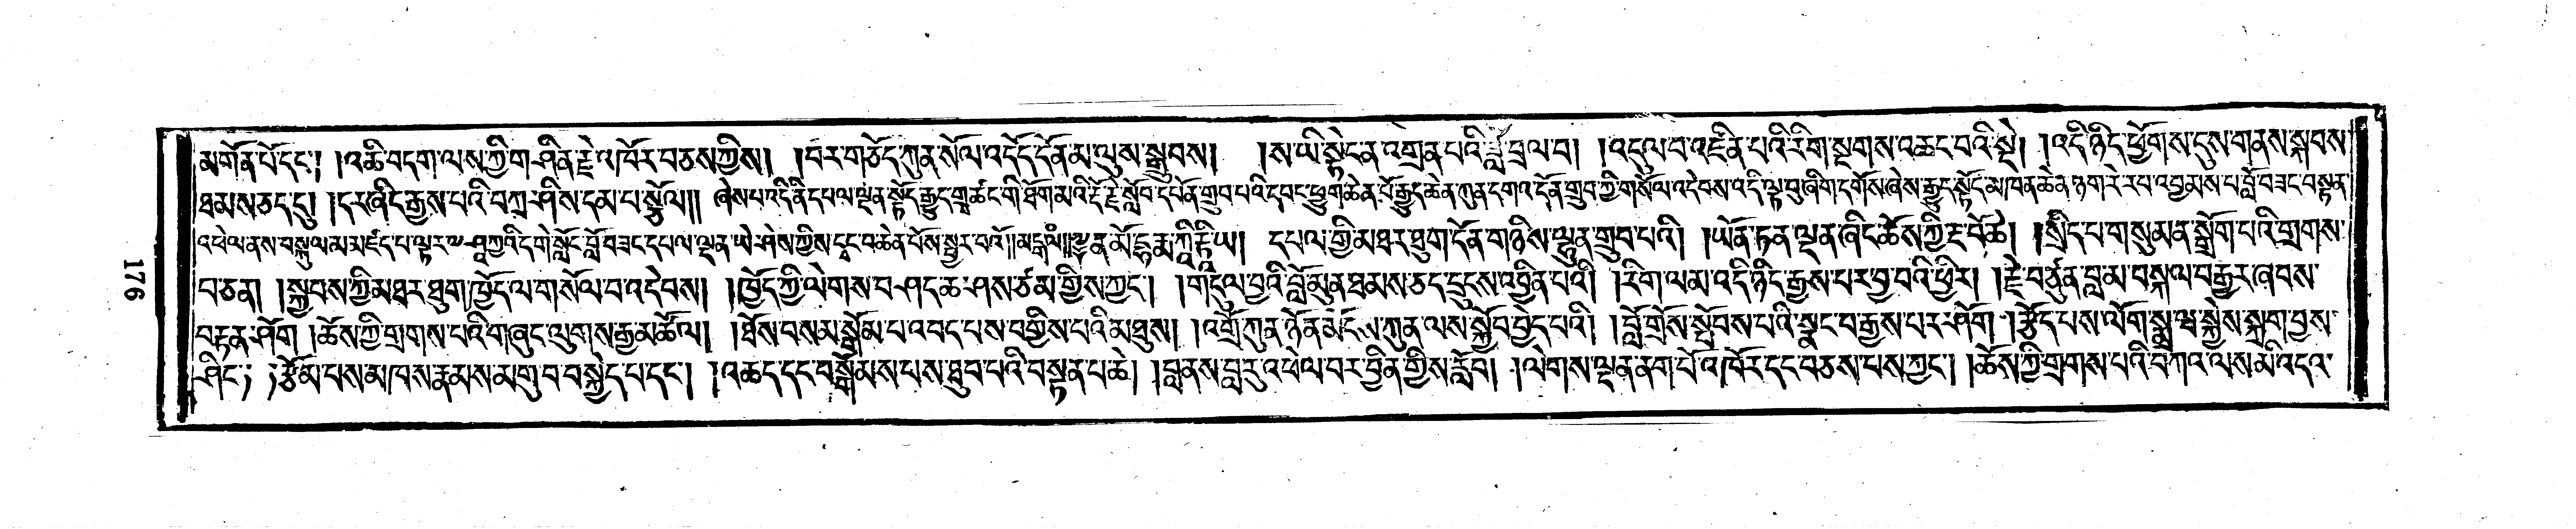མགོན་པོ་དང་། །འཆི་བདག་ལས་ཀྱི་གཤིན་རྗེ་འཁོར་བཅས་ཀྱིས། །བར་གཅོད་ཀུན་སོལ་འདོད་དོན་མ་ལུས་སྒྲུབས། །ས་ཡི་སྟེང་ན་འགྲན་པའི་ཟློ་བྲལ་བ། །འདུལ་བ་འཛིན་པའི་རིག་སྔགས་འཆང་བའི་སྡེ། །འདི་ཉིད་ཕྱོགས་དུས་གནས་སྐབས་
ཐམས་ཅད་དུ། །དར་ཞིང་རྒྱས་པའི་བཀྲ་ཤིས་དམ་པ་སྩོལ།། ཞེས་པ་འདི་ནི་དཔལ་ལྡན་སྟོད་རྒྱུད་གྲྭ་ཚང་གི་ཐོག་མའི་རྡོ་རྗེ་སློབ་དཔོན་གྲུབ་པའི་དབང་ཕྱུག་ཆེན་པོ་རྒྱུད་ཆེན་ཀུན་དགའ་དོན་གྲུབ་ཀྱི་གསོལ་འདེབས་འདི་ལྟ་བུ་ཞིག་དགོས་ཞེས་རྒྱུད་སྟོད་མཁན་ཆེན་ཉག་རེ་རབ་འབྱམས་པ་བློ་བཟང་བསྟན་
འཕེལ་ནས་བསྐུལ་མ་མཛད་པ་ལྟར་༧་ཤཱཀྱའི་དགེ་སློང་བློ་བཟང་དཔལ་ལྡན་ཡེ་ཤེས་ཀྱིས་དྭང་བ་ཆེན་པོས་སྦྱར་བའོ།། མངྒ་ལཾ།། ༈ ན་མོ་དྷརྨ་ཀཱིརྟཱི་ཡ། དཔལ་གྱི་མཐར་ཐུག་དོན་གཉིས་ལྷུན་གྲུབ་པའི། །ཡོན་ཏན་ལྡན་ཞིང་ཆོས་ཀྱི་རྔ་བོ་ཆེ། །སྲིད་པ་གསུམ་ན་སྒྲོག་པའི་གྲགས་
པ་ཅན། །སྐྱབས་ཀྱི་མཐར་ཐུག་ཁྱོད་ལ་གསོལ་བ་འདེབས། །ཁྱོད་ཀྱི་ལེགས་བཤད་ཆ་ཤས་ཙམ་གྱིས་ཀྱང་། །གདུལ་བྱའི་བློ་མུན་ཐམས་ཅད་དྲུངས་འབྱིན་པའི། །རིག་ལམ་འདི་ཉིད་རྒྱས་པར་བྱ་བའི་ཕྱིར། །རྗེ་བཙུན་བླ་མ་བསྐལ་བརྒྱར་ཞབས་
བརྟན་ཤོག །ཆོས་ཀྱི་གྲགས་པའི་གཞུང་ལུགས་རྒྱ་མཚོལ། །ཐོས་བསམ་སྒོམ་པ་འབད་པས་བགྱིས་པའི་མཐུས། །འགྲོ་ཀུན་ཉོན་མོངས་ཀུན་ལས་སྐྱོབ་བྱེད་པའི། །བློ་གྲོས་སྤོབས་པའི་སྣང་བ་རྒྱས་པར་ཤོག །རྩོད་པས་ལོག་སྨྲ་ཝ་སྐྱེས་སྐྲག་བྱས་
ཤིང༑ ༑རྩོམ་པས་མཁས་རྣམས་མགུ་བ་བསྐྱེད་པ་དང་། །འཆད་དང་བསྒོམས་པས་ཐུབ་པའི་བསྟན་པ་ཆེ། །བླ་ནས་བླ་རུ་འཕེལ་བར་བྱིན་གྱིས་རློབ། །ལེགས་ལྡན་ནག་པོ་འཁོར་དང་བཅས་པས་ཀྱང་། །ཆོས་ཀྱི་གྲགས་པའི་བཀའ་ལས་མི་འདའ་